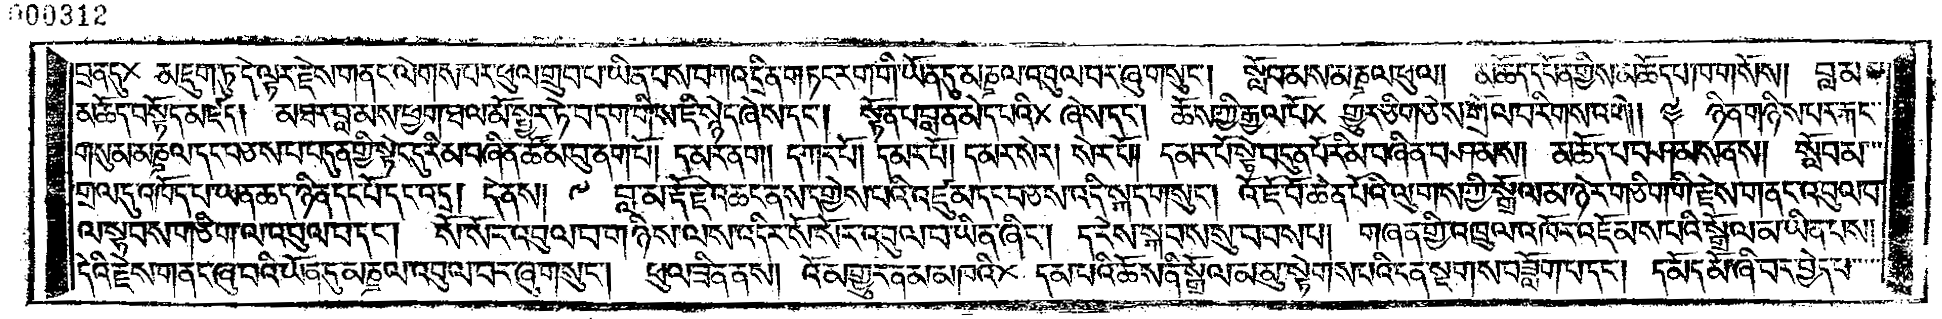བྲན་དུ་྾་མཇུག་ཏུ་དེ་ལྟར་རྗེས་གནང་ལེགས་པར་ཕུལ་གྲུབ་པ་ཡིན་པས་བཀའ་དྲིན་གཏང་རག་གི་ཡོན་དུ་མཎྜལ་འབུལ་བར་ཞུ་གསུང་། སློབ་མས་མཎྜལ་ཕུལ། མཆོད་དཔོན་གྱིས་མཆོད་པ་ཁ་གསོས། བླ་མས་
མཆོད་བསྟོད་མཛད། མཐར་བླ་མས་ཕྱག་ཐལ་མོ་སྦྱར་ཏེ་བདག་གིས་ཇི་སྙེད་ཞེས་དང་། སྟོན་པ་བླ་ན་མེད་པའི་྾་ཞེས་དང་། ཆོས་ཀྱི་རྒྱལ་པོ་྾་གྱུར་ཅིག་ཅེས་གྲོལ་བ་རིགས་འགྲོ།། ༈ ཉིན་གཉིས་པར་རྐང་
གསུམ་མཎྜལ་དང་བཅས་པ་བདུན་གྱི་སྟེང་དུ་རིམ་བཞིན་ཚོམ་བུ་ནག་པོ། དམར་ནག །དཀར་པོ། དམར་པོ། དམར་སེར། སེར་པོ། དམར་པོ་སྟེ་བདུན་པོ་རིམ་བཞིན་བཤམས། མཆོད་པ་བཤམས་ནས། སློབ་མ་
གྲལ་དུ་འཁོད་པ་ཡན་ཆད་ཉིན་དང་པོ་དང་འདྲ། དེ་ནས། ༧་བླ་མ་རྡོ་རྗེ་འཆང་ནས་དགྱེས་པའི་འཛུམ་དང་བཅས་འདི་སྐད་གསུང་། འོ་ཇོ་བོ་ཆེན་པོའི་ལུགས་ཀྱི་སྒྲོལ་མ་ཉེར་གཅིག་གི་རྗེས་གནང་འབུལ་བ་
ལ་སྟབས་གཅིག་ལ་འབུལ་བ་དང་། སོ་སོར་འབུལ་བ་གཉིས་ལས་འདིར་སོ་སོར་འབུལ་བ་ཡིན་ཞིང་། ད་རེས་སྐབས་སུ་བབས་པ། གཞན་གྱི་འཁྲུལ་འཁོར་འཇོམས་པའི་སྒྲོལ་མ་ཡིན་པས།
དེའི་རྗེས་གནང་ཞུ་བའི་ཡོན་དུ་མཎྜལ་འབུལ་བར་ཞུ་གསུང་། ཕུལ་ཟིན་ནས། འོ་མ་གྱུར་ནམ་མཁའི་྾་དམ་པའི་ཆོས་ནི་སྒྲོལ་མ་མུ་སྟེགས་པའི་ངན་སྔགས་བཟློག་པ་དང་། དེ་མོད་མོ་ཞི་བར་བྱེད་པ་